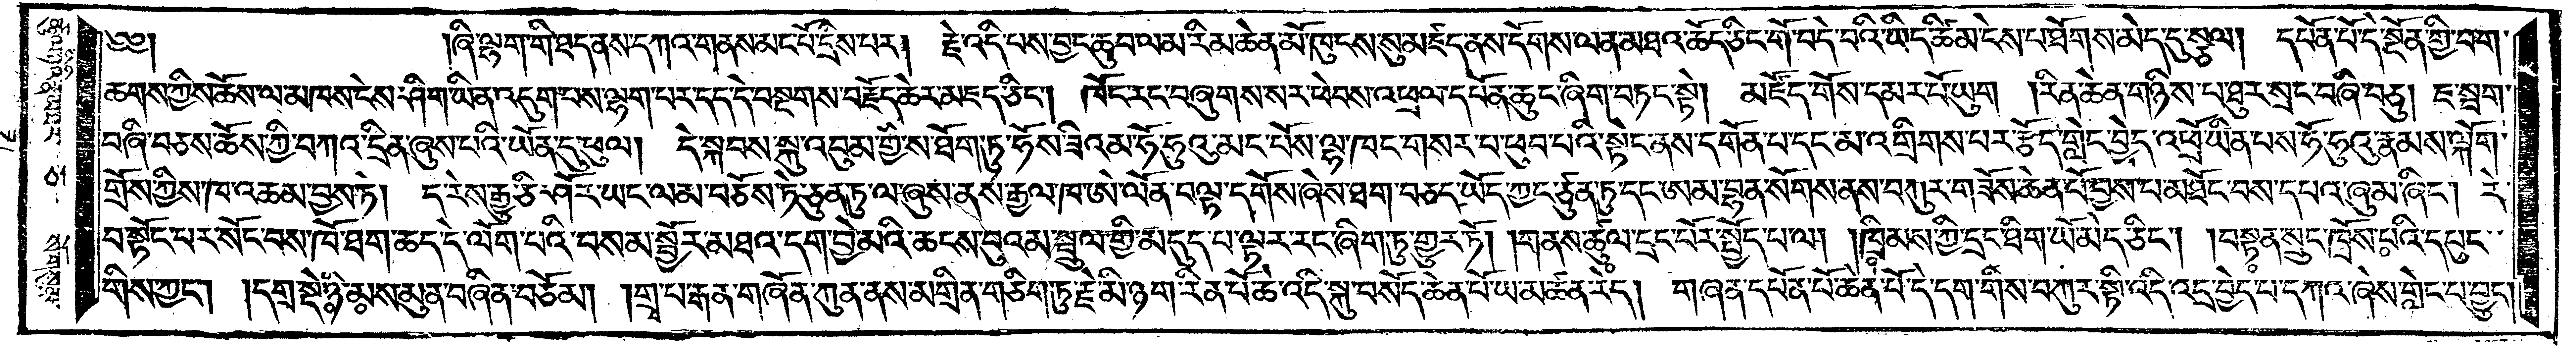༄༅། །ཞི་ལྷག་གི་ཐད་ནས་དཀའ་གནས་མང་པོ་དྲིས་པར། རྗེ་འདི་པས་བྱང་ཆུབ་ལམ་རིམ་ཆེན་མོ་ཁུངས་སུ་མཛད་ནས་དོགས་ལན་མཐའ་ཆོད་ཅིང་གོ་བདེ་བའི་ཡིད་ཚིམ་ངེས་པ་ཐོག་མེད་དུ་སྩལ། དཔོན་པོ་དེ་སྔོན་གྱི་བག་
ཆགས་ཀྱིས་ཆོས་ལ་མཁས་ངེས་ཤིག་ཡིན་འདུག་བས་ལྷག་པར་དད་དེ་བསྔགས་བརྗོད་ཆེར་མཛད་ཅིང་། ཁོང་རང་བཞུགས་སར་ཕེབས་འཕྲལ་དཔོན་ཆུང་ཞིག་བཏང་སྟེ། མཛོད་གོས་དམར་པོ་ཡུག །རིན་ཆེན་གཉིས་པ་ཐུར་སྲང་བཞི་བཅུ། ཇ་སྦག་
བཞི་བཅས་ཆོས་ཀྱི་བཀའ་དྲིན་ཞུས་པའི་ཡོན་དུ་ཕུལ། དེ་སྐབས་སྐུ་འབུམ་གྱི་ས་ཐོག་ཏུ་ཧོས་ཟིའམ་ཧོ་ཧུའུ་མང་པོས་ལྷ་ཁང་གསར་པ་ཕུབ་པའི་སྟེང་ནས་དགོན་པ་དང་མ་འགྲིགས་པར་རྩོད་གླེང་བྱེད་འཕྲོ་ཡིན་པས་ཧོ་ཧུའུ་རྣམས་ལྐོག་
གྲོས་ཀྱིས་ཁ་འཆམ་བྱས་ཏེ། ད་རེས་རྒྱུ་ཅི་ཤོར་ཡང་ལམ་བཅོས་ཏེ་ཙུན་ཏུ་ལ་ཞུས་ནས་རྒྱལ་ཁ་ཨེ་ལོན་བལྟ་དགོས་ཞེས་ཐག་བཅད་ཡོད་ཀྱང་ཙུན་ཏུ་དང་ཨམ་བྷན་སོགས་ནས་བཀུར་གཟོས་ཆེན་པོ་བྱས་པ་མཐོང་བས་དཔའ་ཞུམ་ཞིང་། རེ་
བསྟོང་པར་སོང་བས་ཁོ་ཐག་ཆད་དེ་ལོག་པའི་བསམ་སྦྱོར་མཐའ་དག་བྱེ་མའི་ཆངས་བུའམ་སྤྲུལ་གྱི་མདུད་པ་ལྟར་རང་ཞིག་ཏུ་གྱུར་ཏོ། །གནས་ཚུལ་དྲང་པོར་སྤྱོད་པ་ལ། །ཁྲིམས་ཀྱི་དྲང་ཐིག་ཡོ་མེད་ཅིང་། །བསྟན་སྲུང་ཁྲོས་པའི་དཔུང་
གིས་ཀྱང་། །དགྲ་སྡེ་ཉི་མས་མུན་བཞིན་བཅོམ། །གྲྭ་པ་རྒན་གཞོན་ཀུན་ནས་མགྲིན་གཅིག་ཏུ་རྗེ་མི་ཉག་རིན་པོ་ཆེ་འདི་སྐུ་བསོད་ཆེན་པོ་ཡ་མཚན་རེད། གཞན་དཔོན་པོ་ཆེན་པོ་དེ་དག་གིས་བཀུར་སྟི་འདི་འདྲ་བྱེད་པ་དཀའ་ཞེས་གླེང་པ་བྱུང་